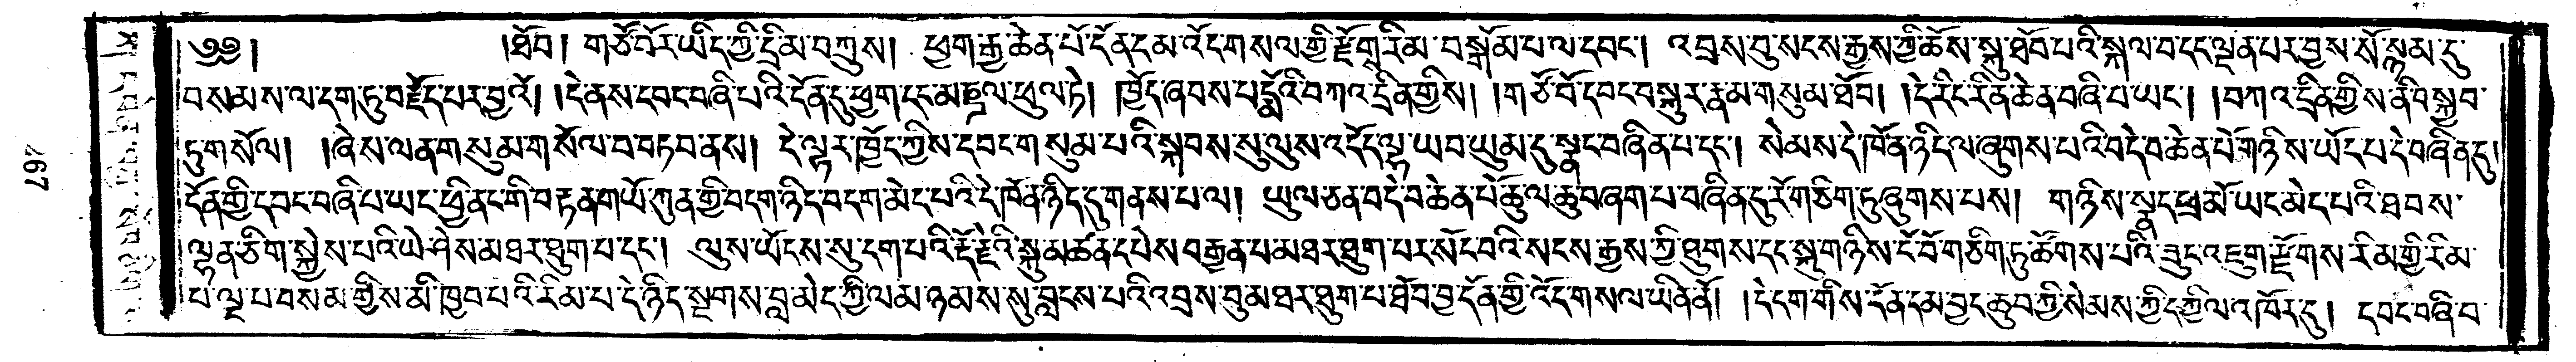༄༅། །ཐོབ། གཙོ་བོར་ཡིད་ཀྱི་དྲི་མ་བཀྲུས། ཕྱག་རྒྱ་ཆེན་པོ་དོན་དམ་འོད་གསལ་གྱི་རྫོགས་རིམ་བསྒོམ་པ་ལ་དབང་། འབྲས་བུ་སངས་རྒྱས་ཀྱི་ཆོས་སྐུ་ཐོབ་པའི་སྐལ་བ་དང་ལྡན་པར་བྱས་སོ་སྙམ་དུ་
བསམས་ལ་དག་ཏུ་བརྗོད་པར་བྱའོ། །དེ་ནས་དབང་བཞི་པའི་དོན་དུ་ཕྱག་དང་མཎྜལ་ཕུལ་ཏེ། ཁྱོད་ཞབས་པདམོའི་བཀའ་དྲིན་གྱིས། །གཙོ་བོ་དབང་བསྐུར་རྣམ་གསུམ་ཐོབ། །དེ་རིང་རིན་ཆེན་བཞི་བ་ཡང་། །བཀའ་དྲིན་གྱིས་ནི་བསྐྱབ་
ཏུ་གསོལ། །ཞེས་ལན་གསུམ་གསོལ་བ་བཏབ་ནས། དེ་ལྟར་ཁྱོད་ཀྱིས་དབང་གསུམ་པའི་སྐབས་སུ་ལུས་འདོད་ལྷ་ཡབ་ཡུམ་དུ་སྣང་བཞིན་པ་དང་། སེམས་དེ་ཁོ་ན་ཉིད་ལ་ཞུགས་པའི་བདེ་བ་ཆེན་པོ་གཉིས་ཡོད་པ་དེ་བཞིན་དུ།
དོན་གྱི་དབང་བཞི་པ་ཡང་ཕྱི་ནང་གི་བརྟན་གཡོ་ཀུན་གྱི་བདག་ཉིད་བདག་མེད་པའི་དེ་ཁོ་ན་ཉིད་དུ་གནས་པ་ལ། ཡུལ་ཅན་བདེ་བ་ཆེན་པོ་ཆུ་ལ་ཆུ་བཞག་པ་བཞིན་དུ་རོ་གཅིག་ཏུ་ཞུགས་པས། གཉིས་སྣད་ཕྲ་མོ་ཡང་མེད་པའི་ཐབས་
ལྷན་ཅིག་སྐྱེས་པའི་ཡེ་ཤེས་མཐར་ཐུག་པ་དང་། ལུས་ཡོངས་སུ་དག་པའི་རྡོ་རྗེའི་སྐུ་མཚན་དཔེས་བརྒྱན་པ་མཐར་ཐུག་པར་སོང་བའི་སངས་རྒྱས་ཀྱི་ཐུགས་དང་སྐུ་གཉིས་ངོ་བོ་གཅིག་ཏུ་ཚོགས་པའི་ཟུང་འཇུག་རྫོགས་རིམ་གྱི་རིམ་
པ་ལྔ་པ་བསམ་གྱིས་མི་ཁྱབ་པའི་རིམ་པ་དེ་ཉིད་སྔགས་བླ་མེད་ཀྱི་ལམ་ཉམས་སུ་བླངས་པའི་འབྲས་བུ་མཐར་ཐུག་པ་ཐོབ་བྱ་དོན་གྱི་འོད་གསལ་ཡིན་ནོ། །དེ་དག་གིས་དོན་དམ་བྱང་ཆུབ་ཀྱི་སེམས་ཀྱི་དཀྱིལ་འཁོར་དུ། དབང་བཞི་བ་